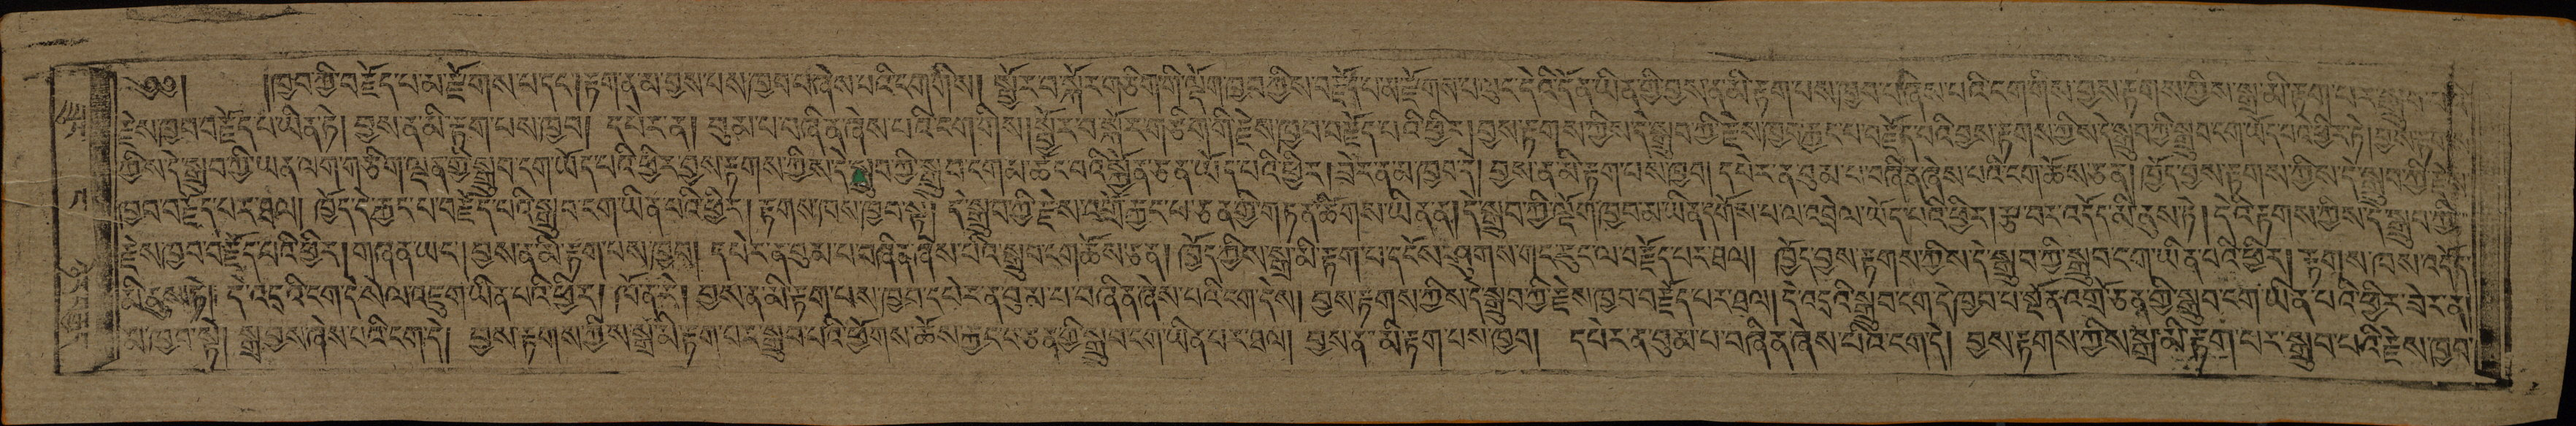༄༅། །ཁྱབ་ཀྱི་བརྗོད་པ་མ་རྫོགས་པ་དང་། རྟག་ན་མ་བྱས་པས་ཁྱབ་པ་ཞེས་པའི་ངག་གིས། སྦྱོར་བ་སྐོར་གཅིག་གི་ལྡོག་ཁྱབ་ཀྱིས་བརྗོད་པ་མ་རྫོགས་པ་ལུང་དེའི་དོན་ཡིན་གྱི་བྱས་ན་མི་རྟག་པས་ཁྱབ་པ་ཞེས་པའི་ངག་གིས་བྱས་རྟགས་ཀྱིས་སྒྲ་མི་རྟག་པར་སྒྲུབ་པའི་
རྗེས་ཁྱབ་བརྗོད་པ་ཡིན་ཏེ། བྱས་ན་མི་རྟག་པས་ཁྱབ། དཔེར་ན། བུམ་པ་བཞིན་ཞེས་པའི་ངག་གིས། སྦྱོར་བ་སྐོར་གཅིག་གི་རྗེས་ཁྱབ་བརྗོད་པའི་ཕྱིར། བྱས་རྟགས་ཀྱིས་དེ་སྒྲུབ་ཀྱི་རྗེས་ཁྱབ་རྐྱང་པ་བརྗོད་པའི་བྱས་རྟགས་ཀྱིས་དེ་སྒྲུབ་ཀྱི་སྒྲུབ་ངག་ཡོད་པའི་ཕྱིར་ཏེ། བྱས་རྟགས་
ཀྱིས་དེ་སྒྲུབ་ཀྱི་ཡན་ལག་གཅིག་ལྡན་གྱི་སྒྲུབ་ངག་ཡོད་པའི་ཕྱིར་བྱས་རྟགས་ཀྱིས་དེ་སྒྲུབ་ཀྱི་སྒྲུབ་ངག་མ་ཚང་བའི་སྐྱོན་ཅན་ཡོད་པའི་ཕྱིར། ཟེར་ན་མ་ཁྱབ་དེ། བྱས་ན་མི་རྟག་པས་ཁྱབ། དཔེར་ན་བུམ་པ་བཞིན་ཞེས་པའི་ངག་ཆོས་ཅན། ཁྱོད་བྱས་རྟགས་ཀྱིས་དེ་སྒྲུབ་ཀྱི་རྗེས་
ཁྱབ་བརྗོད་པར་ཐལ། ཁྱོད་དེ་རྐྱང་པ་བརྗོད་པའི་སྒྲུབ་ངག་ཡིན་པའི་ཕྱིར། རྟགས་ཁས་ཁྱབ་སྟེ། དེ་སྒྲུབ་ཀྱི་རྗེས་འགྲོ་རྐྱང་པ་ཅན་གྱི་གཏན་ཚིགས་ཡིན་ན། དེ་སྒྲུབ་ཀྱི་ལྡོག་ཁྱབ་མ་ཡིན་དགོས་པ་ལ་འབྲེལ་ཡོད་པའི་ཕྱིར། རྩ་བར་འདོད་མི་ནུས་ཏེ། དེའི་རྟགས་ཀྱིས་དེ་སྒྲུབ་ཀྱི་
རྗེས་ཁྱབ་བརྗོད་པའི་ཕྱིར། གཞན་ཡང་། བྱས་ན་མི་རྟག་པས་ཁྱབ། དཔེར་ན་བུམ་པ་བཞིན་ཞེས་པའི་སྒྲུབ་ངག་ཆོས་ཅན། ཁྱོད་ཀྱིས་སྒྲ་མི་རྟག་པ་དངོས་ཤུགས་གང་རུང་ལ་བརྗོད་པར་ཐལ། ཁྱོད་བྱས་རྟགས་ཀྱིས་དེ་སྒྲུབ་ཀྱི་སྒྲུབ་ངག་ཡིན་པའི་ཕྱིར། རྟགས་ཁས་འདོད་
མི་ནུས་ཏེ། དེ་འདྲའི་ངག་དེ་སེལ་འཇུག་ཡིན་པའི་ཕྱིར། ཁོ་ན་རེ། བྱས་ན་མི་རྟག་པས་ཁྱབ་དཔེར་ན་བུམ་པ་བཞིན་ཞེས་པའི་ངག་དེས། བྱས་རྟགས་ཀྱིས་དེ་སྒྲུབ་ཀྱི་རྗེས་ཁྱབ་བརྗོད་པར་ཐལ། དེ་འདྲའི་སྒྲུབ་ངག་དེ་ཁྱབ་པ་སྔོན་འགྲོ་ཅན་གྱི་སྒྲུབ་ངག་ཡིན་པའི་ཕྱིར་ཟེར་ན།
མ་ཁྱབ་སྟེ། སྒྲ་བྱས་ཞེས་པའི་ངག་དེ། བྱས་རྟགས་ཀྱིས་སྒྲ་མི་རྟག་པར་སྒྲུབ་པའི་ཕྱོགས་ཆོས་རྐྱང་པ་ཅན་གྱི་སྒྲུབ་ངག་ཡིན་པར་ཐལ། བྱས་ན་མི་རྟག་པས་ཁྱབ། དཔེར་ན་བུམ་པ་བཞིན་ཞེས་པའི་ངག་དེ། བྱས་རྟགས་ཀྱིས་སྒྲ་མི་རྟག་པར་སྒྲུབ་པའི་རྗེས་ཁྱབ་